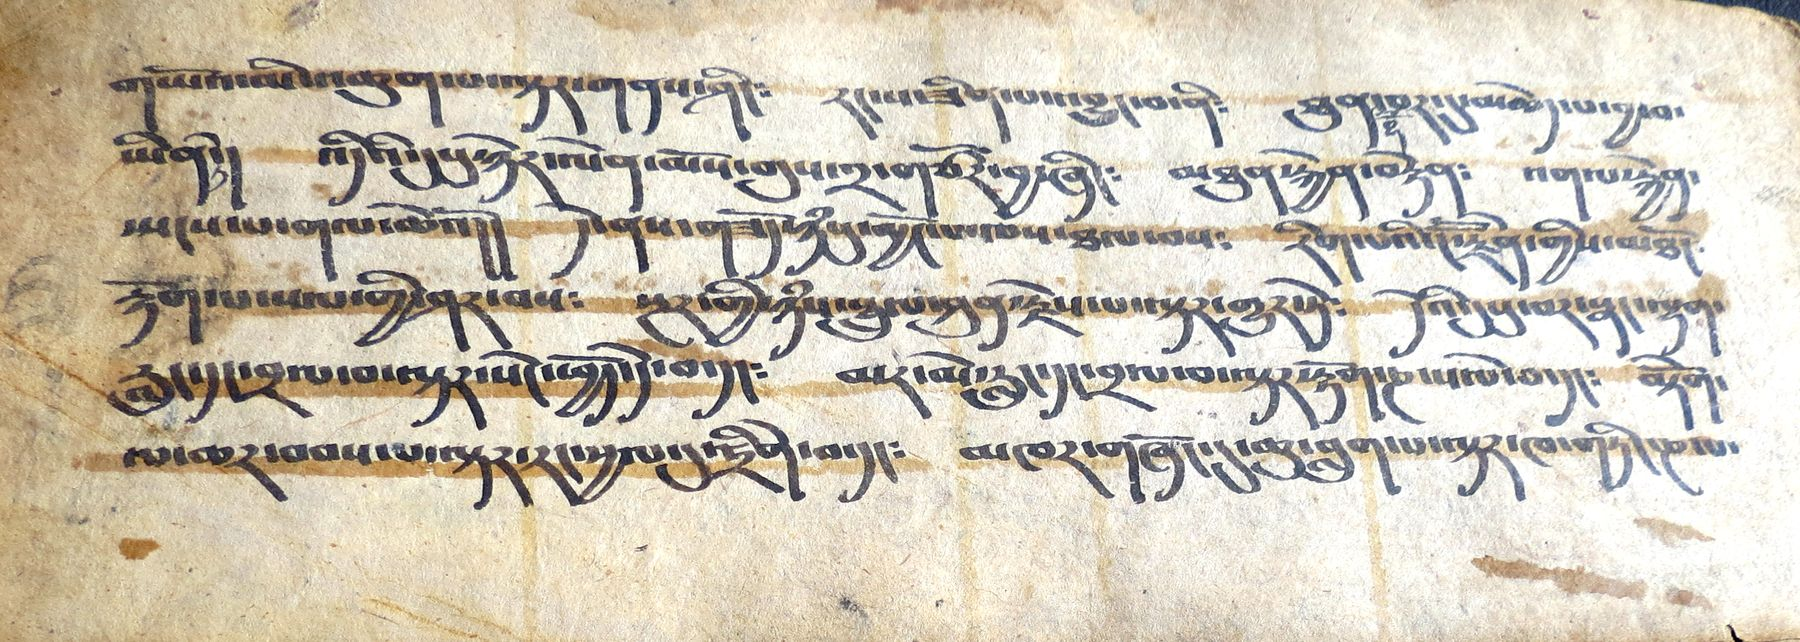གཡོ་མི་འཆུགས་པར་གནས་ཤིང་། རང་ས་ཟིན་པ་འབྱུང་བ་ནི། ཐུན་སྒོམ་བར་དུ་འཆེད་༼མཆེད༽པ་བྱ་བ་
ཡིན་ཏེ། འདིའི་དུས་སུ་ཉེར་ལེན་མོས་གུས་གཉིས་ལ་གཙོ་བོར་བྱ་ཞིང་། མཐུན་རྐྱེན་བསྟེན། འགལ་རྐྱེན་
སྤང་བ་གལ་ཆེའོ། དེ་ནས་གཟོད་ཉམས་སུ་མྱོང་བ་མཁས་ཐལ་བས། རིག་པའི་ངོ་བོ་རྗེན་གྱིས་མཐོང་། 
རྟོག་པ་སལ་གྱིས་ཤར་བས། སྔར་གྱི་ཉམས་སྦྲུལ་ཤུན་བརྗེས་པ་ལྟར་གྱུར་ཏེ། དེའི་དུས་སུ་བར་སྣང་ལྷག་
རླུང་དང་བྲལ་བ་ལྟར་སང་ངེ་ཕྱོད་དེ་བ་དང་། མར་མེ་རླུང་དང་བྲལ་བ་ལྟར་རྟོག་མེད་དུ་ས་ལེ་བ་དང་། མེ་ཏོག་
ལ་ཆར་བབས་པ་ལྟར་རང་གསལ་དུ་ཧྲིག་གེ་བ་དང་། མཁར་གཞོང་ལ་ཆུ་བླུག་པ་ལྟར། ཁ་གཏིང་མེད་པར་